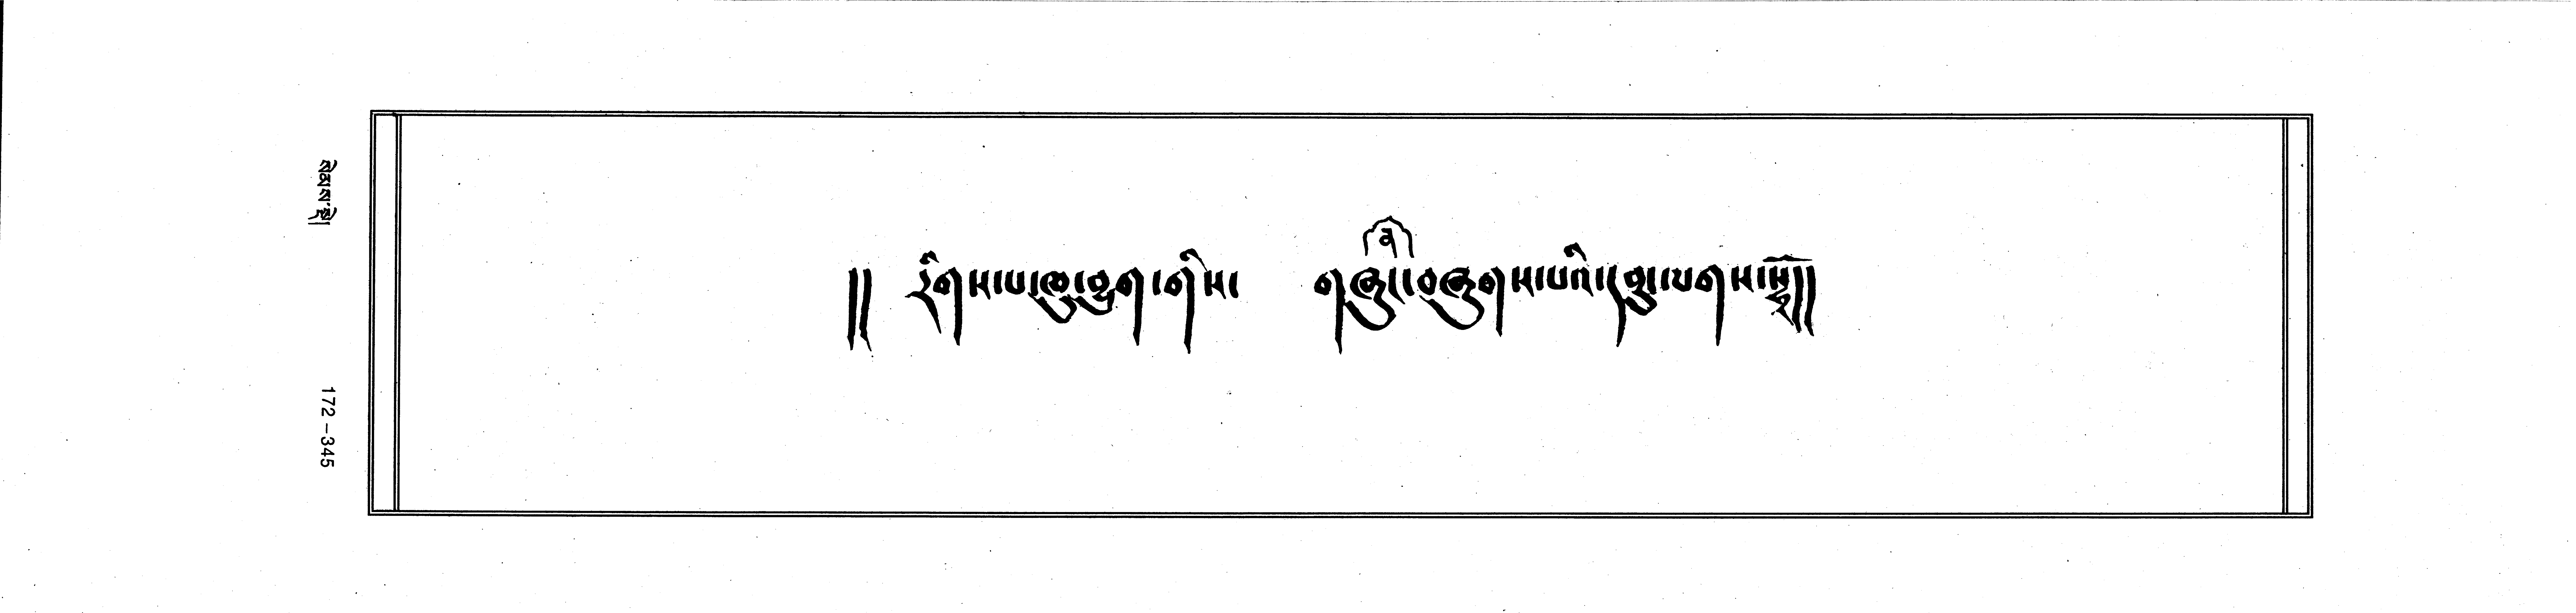༼ན༽རིག་པ་ཁུ་བྱུག་གིས་གཞུང་བཞུགས་པའི་དབུ་ལགས་སྷཱོ།།